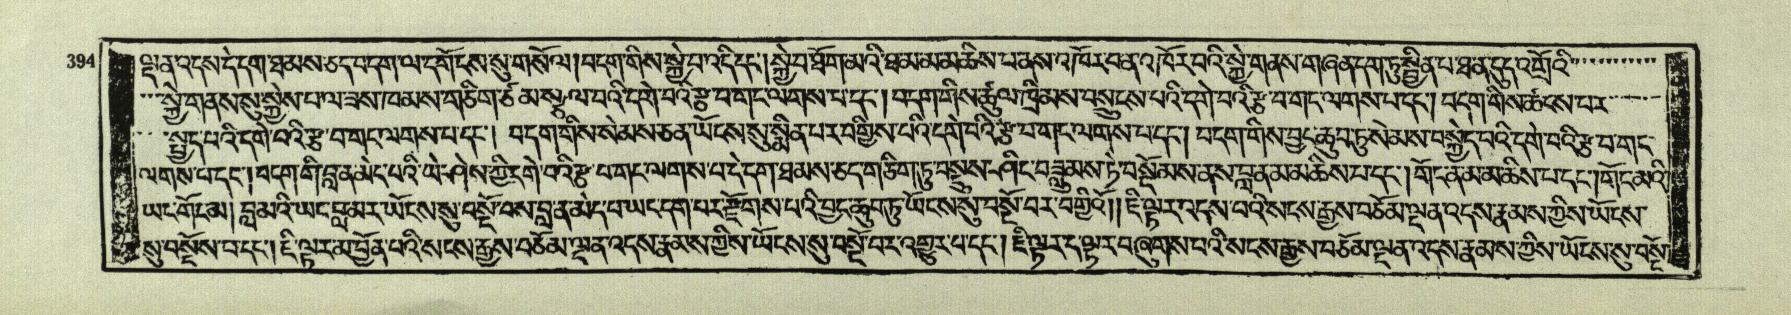ལྡན་འདས་དེ་དག་ཐམས་ཅད་བདག་ལ་དགོངས་སུ་གསོལ། བདག་གིས་སྐྱེ་བ་འདི་དང་། སྐྱེ་བ་ཐོག་མའི་ཐ་མ་མ་མཆིས་པ་ནས་འཁོར་བ་ན་འཁོར་བའི་སྐྱེ་གནས་གཞན་དག་ཏུ་སྦྱིན་པ་ཐ་ན་དུད་འགྲོའི་
སྐྱེ་གནས་སུ་སྐྱེས་པ་ལ་ཟས་ཁམས་གཅིག་ཙམ་སྩལ་བའི་དགེ་བའི་རྩ་བ་གང་ལགས་པ་དང་། བདག་གིས་ཚུལ་ཁྲིམས་བསྲུངས་པའི་དགེ་བའི་རྩ་བ་གང་ལགས་པ་དང་། བདག་གིས་ཚངས་པར་
སྤྱད་པའི་དགེ་བའི་རྩ་བ་གང་ལགས་པ་དང་། བདག་གིས་སེམས་ཅན་ཡོངས་སུ་སྨིན་པར་བགྱིས་པའི་དགེ་བའི་རྩ་བ་གང་ལགས་པ་དང་། བདག་གིས་བྱང་ཆུབ་ཏུ་སེམས་བསྐྱེད་པའི་དགེ་བའི་རྩ་བ་གང་
ལགས་པ་དང་། བདག་གི་བླ་ན་མེད་པའི་ཡེ་ཤེས་ཀྱི་དགེ་བའི་རྩ་བ་གང་ལགས་པ་དེ་དག་ཐམས་ཅད་གཅིག་ཏུ་བསྡུས་ཤིང་བཟླུམས་ཏེ་བསྡོམས་ནས་བླ་ན་མ་མཆིས་པ་དང་། གོང་ན་མ་མཆིས་པ་དང་། གོང་མའི་
ཡང་གོང་མ། བླ་མའི་ཡང་བླ་མར་ཡོངས་སུ་བསྔོ་བས་བླ་ན་མེད་པ་ཡང་དག་པར་རྫོགས་པའི་བྱང་ཆུབ་ཏུ་ཡོངས་སུ་བསྔོ་བར་བགྱིའོ། །ཇི་ལྟར་འདས་པའི་སངས་རྒྱས་བཅོམ་ལྡན་འདས་རྣམས་ཀྱིས་ཡོངས་
སུ་བསྔོས་པ་དང་། ཇི་ལྟར་མ་བྱོན་པའི་སངས་རྒྱས་བཅོམ་ལྡན་འདས་རྣམས་ཀྱིས་ཡོངས་སུ་བསྔོ་བར་འགྱུར་པ་དང་། ཇི་ལྟར་ད་ལྟར་བཞུགས་པའི་སངས་རྒྱས་བཅོམ་ལྡན་འདས་རྣམས་ཀྱིས་ཡོངས་སུ་བསྔོ་